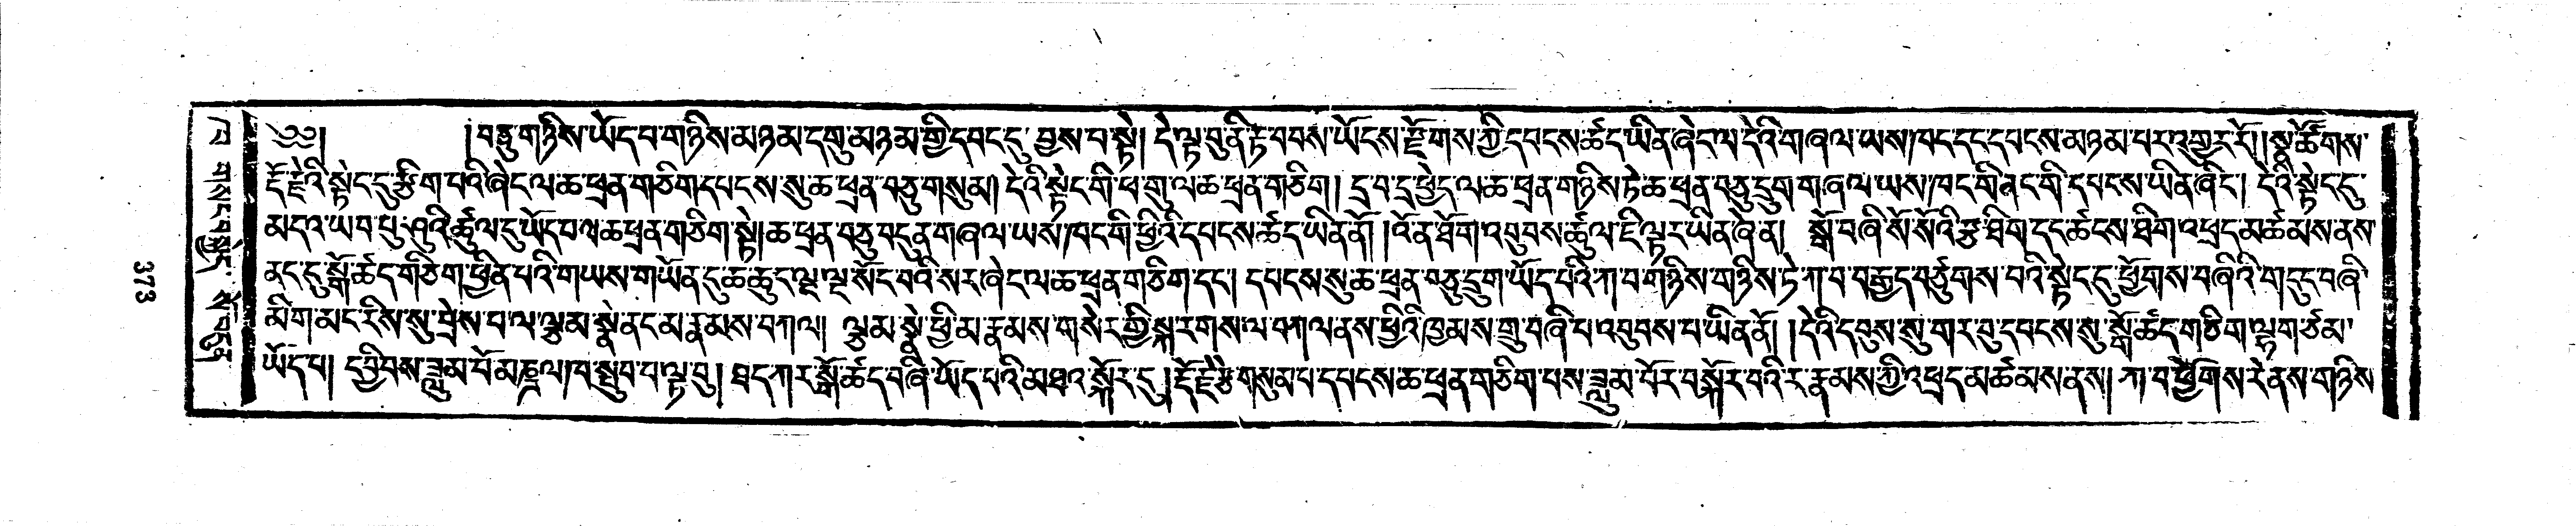༄༅། །བཅུ་གཉིས་ཡོད་པ་གཉིས་མཉམ་དགུ་མཉམ་གྱི་དབང་དུ་བྱས་པ་སྟེ། དེ་ལྟ་བུ་ནི་རྟ་བབས་ཡོངས་རྫོགས་ཀྱི་དཔངས་ཚད་ཡིན་ཞེང་ལ་དེའི་གཞལ་ཡས་ཁང་དང་དཔངས་མཉམ་པར་འགྱུར་རོ། །སྣ་ཚོགས་
རྡོ་རྗེའི་སྟེང་དུ་རྩིག་པའི་ཞེང་ལ་ཆ་ཕྲན་གཅིག་དབངས་སུ་ཆ་ཕྲན་བཅུ་གསུམ། དེའི་སྟེང་གི་ཕ་གུ་ལ་ཆ་ཕྲན་གཅིག །དྲ་བ་དྲ་ཕྱེད་ལ་ཆ་ཕྲན་གཉིས་ཏེ་ཆ་ཕྲན་བཅུ་དྲུག་གཞལ་ཡས་ཁང་གི་ནང་གི་དཔངས་ཡིན་ཞིང་། དེའི་སྟེང་དུ་
མདའ་ཡབ་པུ་ཤུའི་ཚུལ་དུ་ཡོད་པ་ལ་ཆ་ཕྲན་གཅིག་སྟེ། ཆ་ཕྲན་བཅུ་བདུན་གཞལ་ཡས་ཁང་གི་ཕྱིའི་དཔངས་ཚད་ཡིན་ནོ། །འོ་ན་ཐོག་འབུབས་ཚུལ་ཇི་ལྟར་ཡིན་ཞེ་ན། སྒོ་བཞི་སོ་སོའི་རྩ་ཐིག་དང་ཚངས་ཐིག་འཕྲད་མཚམས་ནས་
ནང་དུ་སྒོ་ཚད་གཅིག་ཕྱིན་པའི་གཡས་གཡོན་དུ་ཆ་ཆུང་ལྔ་ལྔ་སོང་བའི་སར་ཞེང་ལ་ཆ་ཕྲན་གཅིག་དང་། དཔངས་སུ་ཆ་ཕྲན་བཅུ་དྲུག་ཡོད་པའི་ཀ་བ་གཉིས་གཉིས་ཏེ་ཀ་བ་བརྒྱད་བཙུགས་པའི་སྟེང་དུ་ཕྱོགས་བཞིའི་གདུང་བཞི་
མིག་མང་རིས་སུ་བྲེས་པ་ལ་ལྕམ་སྣེ་ནང་མ་རྣམས་བཀལ། ལྕམ་སྣེ་ཕྱི་མ་རྣམས་གསེར་གྱི་སྐ་རགས་ལ་བཀལ་ནས་ཕྱིའི་ཁྱམས་གྲུ་བཞི་པ་འབུབས་པ་ཡིན་ནོ། །དེའི་དབུས་སུ་གར་བུ་དཔངས་སུ་སྒོ་ཚད་གཅིག་ལྷག་ཙམ་
ཡོད་པ། དབྱིབས་ཟླུམ་པོ་མཎྜལ་ཁ་སྦུབ་པ་ལྟ་བུ། ཐད་ཀར་སྒོ་ཚད་བཞི་ཡོད་པའི་མཐའ་སྐོར་དུ། རྡོ་རྗེ་རྩེ་གསུམ་པ་དཔངས་ཆ་ཕྲན་གཅིག་པས་ཟླུམ་པོར་བསྐོར་བའི་རྭ་རྣམས་ཀྱི་འཕྲད་མཚམས་ནས། ཀ་བ་ཕྱོགས་རི་ནས་གཉིས་